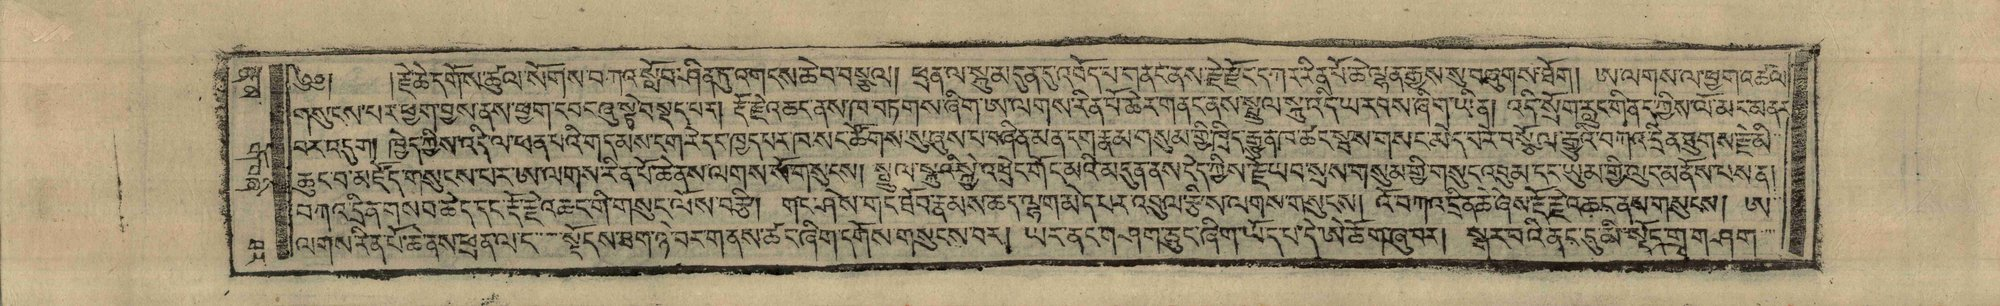༄༅། །རྗེ་ཆེ་དགོས་ཚུལ་སོགས་བཀའ་སློབ་ཤིན་ཏུ་འགངས་ཆེ་བ་བསྩལ། ཕྲན་ལ་སྐུ་མདུན་དུ་འབོད་པ་གནང་ནས་རྗེ་རྫོང་དཀར་རིན་པོ་ཆེ་ལྷན་རྒྱས་སུ་བཞུགས་ཐོག །ཨ་ལགས་ལ་ཕྱག་འཚལ་
གསུངས་པར་ཕྱག་བྱས་ནས་ཕྱག་དབང་ཞུ་སྟེ་བསྡད་པར། རྡོ་རྗེ་འཆང་ནས་ཁ་བཏགས་ཞིག་ཨ་ལགས་རིན་པོ་ཆེར་གནང་ནས་སྤྲུལ་སྐུ་འདི་ཡ་རབས་ཞིག་ཡིན། འདི་སྲོག་རླུང་གི་ནད་ཀྱིས་ལོ་མང་མནར་
པར་འདུག །ཁྱེད་ཀྱིས་འདི་ལ་ཕན་པའི་གདམས་ངག་རེ་དང་ཁྱད་པར་ཁ་སང་ཚོགས་སུ་ཞུས་པ་བཞིན་མན་ངག་རྣམ་གསུམ་གྱི་ཁྲིད་རྒྱུན་ཁ་ཚང་སྦས་གསང་མེད་པ་རེ་བསྩོལ་རྒྱུའི་བཀའ་དྲིན་ཐུགས་རྗེ་མི་
ཆུང་བ་མཛོད་གསུངས་པར་ཨ་ལགས་རིན་པོ་ཆེ་ནས་ལགས་སོ་གསུངས། སྤྲུལ་སྐུའི་སྐྱེ་འཕྲེང་གོང་མའི་མདུན་ནས་ངེད་ཀྱིས་རྗེ་ཡབ་སྲས་གསུམ་གྱི་གསུང་འབུམ་དང་ཡུམ་གྱི་ལུང་མནོས་པས་ན།
བཀའ་དྲིན་གསབ་ཆེད་དང་རྡོ་རྗེ་འཆང་གི་གསུང་ལོས་བརྩི། གང་ཤེས་གང་ཐོབ་རྣམས་ཆད་ལྷག་མེད་པར་འབུལ་རྩིས་ལགས་གསུངས། འོ་བཀའ་དྲིན་ཆེ་ཞེས་རྡོ་རྗེ་འཆང་ནས་གསུངས། ཨ་
ལགས་རིན་པོ་ཆེ་ནས་ཕྲན་ལ་ང་སྡོངས་ཐག་ཉེ་བར་གནས་ཚང་ཞིག་དགོས་གསུངས་བར། ཡར་ནང་གཤག་ཆུང་ཞིག་ཡོད་པ་དེ་ཨེ་ཆོག་ཞུ་བར། སྒར་བའི་ནང་དུ་མི་སྡོད་གྲྭ་གཤག་